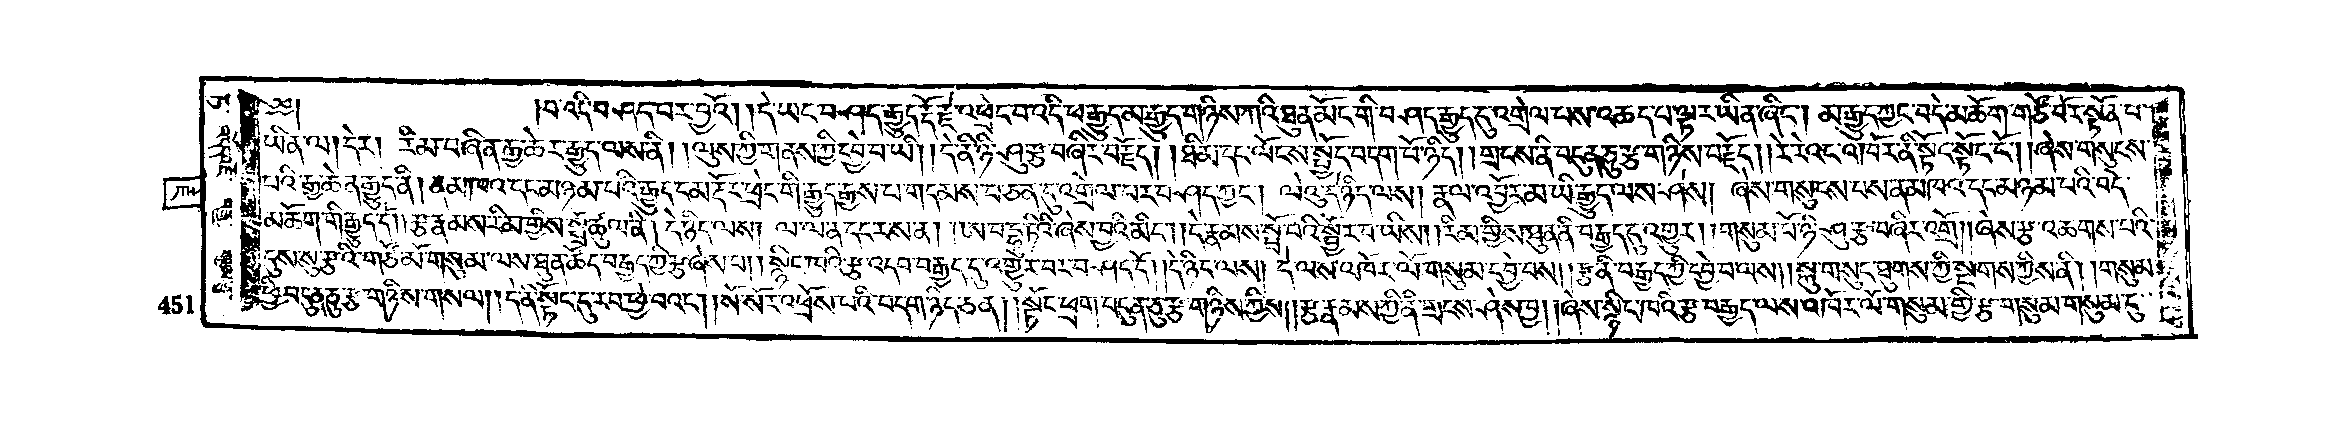༄༅། །བ་འདི་བཤད་པར་བྱའོ། །དེ་ཡང་བཤད་རྒྱུད་རྡོ་རྗེ་འཕྲེང་བ་འདི་ཕ་རྒྱུད་མ་རྒྱུད་གཉིས་ཀའི་ཐུན་མོང་གི་བཤད་རྒྱུད་དུ་འགྲེལ་པས་འཆད་པ་ལྟར་ཡིན་ཞིང་། མ་རྒྱུད་ཀྱང་བདེ་མཆོག་གཙོ་བོར་སྟོན་པ་
ཡིན་ལ། དེར། རིམ་བཞི་རྒྱ་ཆེར་རྒྱུད་ལས་ནི། །ལུས་ཀྱི་གནས་ཀྱི་དབྱེ་བ་ཡི། །དེ་ནི་ཉི་ཤུ་རྩ་བཞིར་བརྗོད། །ཐིམ་དང་ལོངས་སྤྱོད་བདག་པོ་ཉིད། །གྲངས་ནི་བདུན་ཅུ་རྩ་གཉིས་བརྗོད། །རེ་རེའང་འཁོར་ནི་སྟོང་སྟོང་ངོ། །ཞེས་གསུངས་
པའི་རྒྱ་ཆེན་རྒྱུད་ནི། ནམ་མཁའ་དང་མཉམ་པའི་རྒྱུད་དམ་རྡོར་ཕྲེང་གི་རྒྱུད་རྒྱས་པ་གདམས་ང་ཅན་དུ་འགྲེལ་པར་བཤད་ཀྱང་། ལེའུ་དེ་ཉིད་ལས། རྣལ་འབྱོར་མ་ཡི་རྒྱུད་ལས་ཤེས། ཞེས་གསུངས་པས་ནམ་མཁའ་དང་མཉམ་པའི་བདེ་
མཆོག་གི་རྒྱུད་དོ། །རྩ་རྣམས་རིམ་གྱིས་སྤྲོ་ཚུལ་ནི། དེ་ཉིད་ལས། ལ་ལ་ན་དང་ར་ས་ན། །ཨ་བ་དྷཱུ་ཏཱིའི་ཞེས་བྱའི་མིང་། །དེ་རྣམས་སྤྲོ་བའི་སྦྱོར་བ་ཡིས། །རིམ་གྱིས་ཐུན་ནི་བརྒྱད་དུ་འགྱུར། །གསུམ་པོ་ཉི་ཤུ་རྩ་བཞིར་འགྲོ། །ཞེས་རྩ་འཆགས་པའི་
དུས་སུ་རྩའི་གཙོ་མོ་གསུམ་ལས་ཐུན་ཚོད་བརྒྱད་ཀྱི་རྩ་ཞེས་པ། །སྙིང་ཁའི་རྩ་འདབ་བརྒྱད་དུ་འགྱུར་བར་བཤད་དོ། །དེ་ཉིད་ལས། དེ་ལས་འཁོར་ལོ་གསུམ་དབྱེ་བས། །རྩ་ནི་བརྒྱད་ཀྱི་དབྱེ་བ་ལས། །སྐུ་གསུང་ཐུགས་ཀྱིས་སྔགས་ཀྱིས་ནི། །གསུམ་
ཕྱེ་བདུན་ཅུ་རྩ་གཉིས་གསལ། །དེ་ནི་སྟོང་དུ་རབ་ཕྱེ་བའང་། །སོ་སོར་འཕྲོས་པའི་བདག་ཉིད་ཅན། །སྟོང་ཕྲག་བདུན་ཅུ་རྩ་གཉིས་ཀྱིས། །རྩ་རྣམས་ཀྱི་ནི་གྲངས་ཤེས་བྱ། །ཞེས་སྙིང་ཁའི་རྩ་བརྒྱད་ལས་འཁོར་ལོ་གསུམ་གྱི་རྩ་གསུམ་གསུམ་དུ་